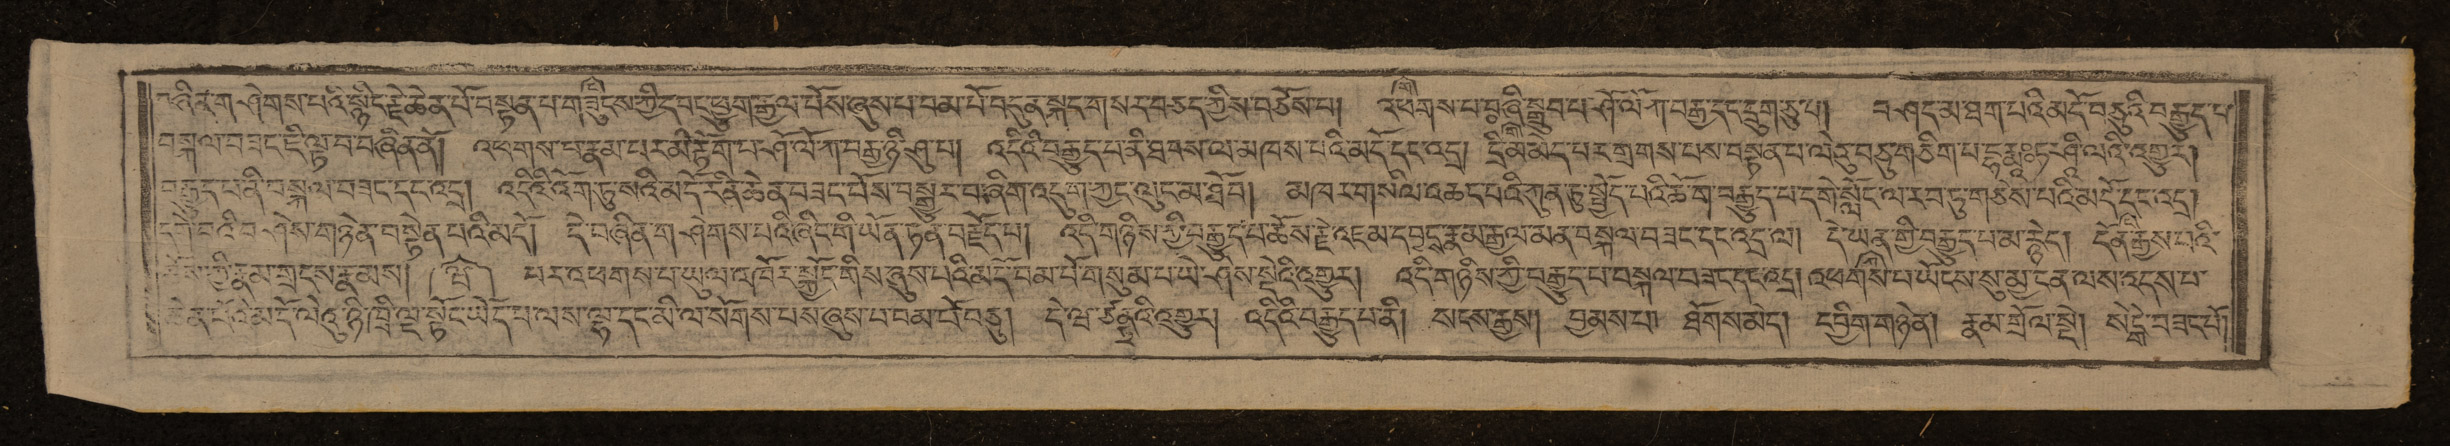བཞིན་གཤེགས་པའི་སྙིང་རྗེ་ཆེན་པོ་བསྟན་པ་གཟུངས་ཀྱི་དབང་ཕྱུག་རྒྱལ་པོས་ཞུས་པ་བམ་པོ་བདུན་སྐད་གསར་བཅད་ཀྱིས་བཅོས་པ། འཕགས་པ་བཞི་སྒྲུབ་པ་ཤོ་ལོ་ཀ་བརྒྱ་དང་དྲུག་ཅུ་པ། བཤད་མ་ཐག་པའི་མདོ་བཅུའི་བརྒྱུད་པ་
བསྐལ་བཟང་ཇི་ལྟ་བ་བཞིན་ནོ། འཕགས་པ་རྣམ་པར་མི་རྟོག་པ་ཤོ་ལོ་ཀ་བརྒྱ་ཉི་ཤུ་པ། འདིའི་བརྒྱུད་པ་ནི་ཐབས་ལ་མཁས་པའི་མདོ་དང་འདྲ། དྲི་མ་མེད་པར་གྲགས་པས་བསྟན་པ་ལེའུ་བཅུ་གཅིག་པ་དྷརྨཱཿ ཏ་ཤཱི་ལའི་འགྱུར།
བརྒྱུད་པ་ནི་བསྐལ་བཟང་དང་འདྲ། འདིའི་འོག་ཏུ་སའི་མདོ་རིན་ཆེན་བཟང་པོས་བསྒྱུར་བ་ཞིག་འདུག་ཀྱང་ལུང་མ་ཐོབ། མཁར་གསིལ་འཆང་བའི་ཀུན་ཏུ་སྤྱོད་པའི་ཆོ་ག་བརྒྱུད་པ་དགེ་སློང་ལ་རབ་ཏུ་གཅེས་པའི་མདོ་དང་འདྲ།
དགེ་བའི་བཤེས་གཉེན་བསྟེན་པའི་མདོ། དེ་བཞིན་གཤེགས་པའི་ཞིང་གི་ཡོན་ཏན་བརྗོད་པ། འདི་གཉིས་ཀྱི་བརྒྱུད་པ་ཆོས་རྗེ་འཇམ་དབྱངས་རྣམ་རྒྱལ་མན་བསྐལ་བཟང་དང་འདྲ་ལ། དེ་ཡན་གྱི་བརྒྱུད་པ་མ་རྙེད། དོན་རྒྱས་པའི་
ཆོས་ཀྱི་རྣམ་གྲངས་རྣམས། {ཝ}་པར་འཕགས་པ་ཡུལ་འཁོར་སྐྱོང་གིས་ཞུས་པའི་མདོ་བམ་པོ་གསུམ་པ་ཡེ་ཤེས་སྡེའི་འགྱུར། འདི་གཉིས་ཀྱི་བརྒྱུད་པ་བསྐལ་བཟང་དང་འདྲ། འཕགས་པ་ཡོངས་སུ་མྱ་ངན་ལས་འདས་པ་
ཆེན་པོའི་མདོ་ལེའུ་ཉི་ཁྲི་ལྔ་སྟོང་ཡོད་པ་ལས་ལྷ་དང་མི་ལ་སོགས་པས་ཞུས་པ་བམ་པོ་བཅུ། དེ་ཝ་ཙནྟྲའི་འགྱུར། འདིའི་བརྒྱུད་པ་ནི། སངས་རྒྱས། བྱམས་པ། ཐོགས་མེད། དབྱིག་གཉེན། རྣམ་གྲོལ་སྡེ། སེངྒེ་བཟང་པ།